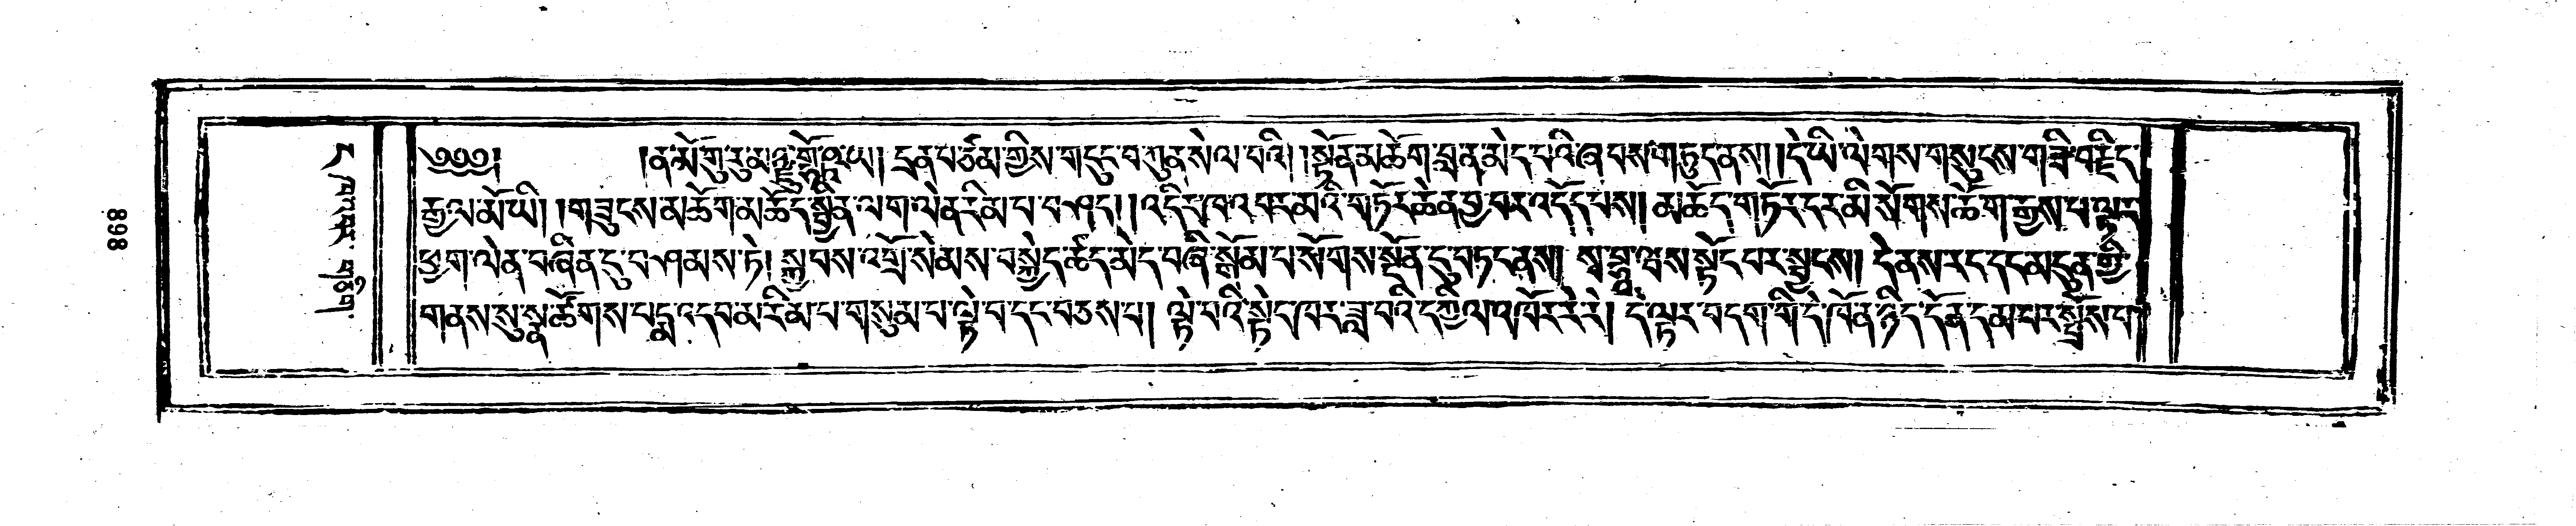༄༅༅། །ན་མོ་གུ་རུ་མཉྫུ་གྷོ་ཥཱ་ཡ། དྲན་པ་ཙམ་གྱིས་གདུང་བ་ཀུན་སེལ་བའི། །སྟོན་མཆོག་བླ་ན་མེད་པའི་ཞབས་གཏུད་ནས། །དེ་ཡི་ལེགས་གསུངས་གཟི་བརྗིད་
རྒྱལ་མོ་ཡི། །གཟུངས་མཆོག་མཆོད་སྦྱིན་ལག་ལེན་རིམ་པ་བཤད། །འདིར་ཁ་འབར་མའི་གཏོར་ཆེན་བྱ་བར་འདོད་པས། མཆོད་གཏོར་དར་མི་སོགས་ཆོ་ག་རྒྱས་པ་ལྟར་
ཕྱག་ལེན་བཞིན་དུ་གཤམས་ཏེ། སྐྱབས་འགྲོ་སེམས་བསྐྱེད་ཚད་མེད་བཞི་སྒོམ་པ་སོགས་སྔོན་དུ་བཏང་ནས། སྭ་བྷཱ་ཝས་སྟོང་པར་སྦྱངས། དེ་ནས་རང་དང་མདུན་གྱི་
གནས་སུ་སྣ་ཚོགས་པདམ་འདབ་མ་རིམ་པ་གསུམ་པ་ལྟེ་བ་དང་བཅས་པ། ལྟེ་བའི་སྟེང་ཁར་ཟླ་བའི་དཀྱིལ་འཁོར་རེ་རེ། དེ་ལྟར་བདག་གི་དེ་ཁོ་ན་ཉིད་དོན་དམ་པར་སྤྲོས་པ་